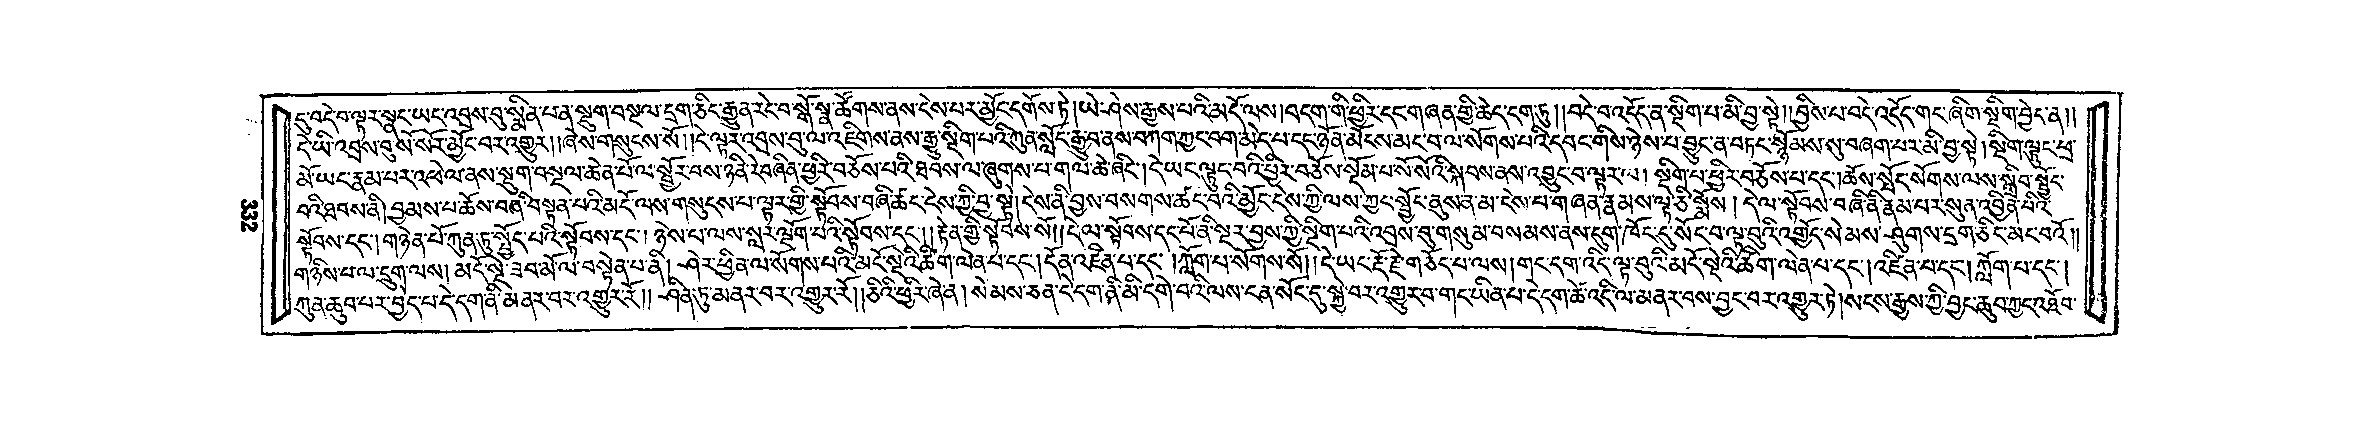དུ་བདེ་བ་ལྟར་སྣང་ཡང་འབྲས་བུ་སྨིན་པ་ན་སྡུག་བསྔལ་དྲག་ཅིང་རྒྱུན་རེང་བ་སྒོ་སྣ་ཚོགས་ནས་ངེས་པར་མྱོང་དགོས་ཏེ། ཡེ་ཤེས་རྒྱས་པའི་མདོ་ལས། བདག་གི་ཕྱིར་དང་གཞན་གྱི་ཆེད་དག་ཏུ། །བདེ་བ་འདོད་ན་སྡིག་པ་མི་བྱ་སྟེ། །བྱིས་པ་བདེ་འདོད་གང་ཞིག་སྡིག་བྱེད་ན། །
དེ་ཡི་འབྲས་བུ་སོ་སོར་མྱོང་བར་འགྱུར། །ཞེས་གསུངས་སོ། །དེ་ལྟར་འབྲས་བུ་ལ་འཇིགས་ནས་རྒྱུ་སྡིག་པའི་ཀུན་སློང་རྒྱུ་བ་ནས་བཀག་ཀྱང་བག་མེད་པ་དང་ཉོན་མོངས་མང་བ་ལ་སོགས་པའི་དབང་གིས་ཉེས་པ་བྱུང་ན་བཏང་སྙོམས་སུ་བཞག་པར་མི་བྱ་སྟེ། སྡིག་ལྟུང་ཕྲ་
མོ་ཡང་རྣམ་པར་འཕེལ་ནས་སྡུག་བསྔལ་ཆེན་པོ་ལ་སྦྱོར་བས་ཉིན་རེ་བཞིན་ཕྱིར་བཅོས་པའི་ཐབས་ལ་ཞུགས་པ་གལ་ཆེ་ཞིང་། དེ་ཡང་ལྟུང་བའི་ཕྱིར་བཅོས་སྡོམ་པ་སོ་སོའི་སྐབས་ནས་འབྱུང་བ་ལྟར་ལ། སྡིག་པ་ཕྱིར་བཅོས་པ་དང་། ཆོས་སྤོང་སོགས་ལས་སྒྲིབ་སྦྱོང་
བའི་ཐབས་ནི། བྱམས་པ་ཆོས་བཞི་བསྟན་པའི་མདོ་ལས་གསུངས་པ་ལྟར་གྱི་སྟོབས་བཞི་ཚང་ངེས་ཀྱི་བྱ་སྟེ། ངེས་ནི་བྱས་བསགས་ཚང་བའི་མྱོང་དེས་ཀྱི་ལས་ཀྱང་སྦྱོང་ནུས་ན་མ་ངེས་པ་གཞན་རྣམས་ལྟ་ཅི་སྨོས། དེ་ལ་སྟོབས་བཞིན་ནི་རྣམ་པར་སུན་འབྱིན་པའི་
སྟོབས་དང་། གཉེན་པོ་ཀུན་ཏུ་སྤྱོད་པའི་སྟོབས་དང་། ཉེས་པ་ལས་སླར་ལྡོག་པའི་སྟོབས་དང་། །རྟེན་གྱི་སྟོབས་སོ། །དེ་ལ་སྟོབས་དང་པོ་ནི་སྔར་བྱས་ཀྱི་སྡིག་པའི་འབྲས་བུ་གསུམ་བསམས་ནས་དུག་ཁོང་དུ་སོང་བ་ལྟ་བུའི་འགྱོད་སེམས་ཤུགས་དྲག་ཅིང་མང་བའོ།།
གཉིས་པ་ལ་དྲུག་ལས། །མདོ་སྡེ་ཟབ་མོ་ལ་བསྟེན་པ་ནི། ཤེར་ཕྱིན་ལ་སོགས་པའི་མདོ་སྡེའི་ཚིག་ལེན་པ་དང་། དོན་འཛིན་པ་དང་། ཀློག་པ་སོགས་སོ། །དེ་ཡང་རྡོ་རྗེ་གཅོད་པ་ལས། གང་དག་འདི་ལྟ་བུའི་མདོ་སྡེའི་ཚིག་ལེན་པ་དང་། འཛིན་པ་དང་། ཀློག་པ་དང་།
ཀུན་ཆུབ་པར་བྱེད་པ་དེ་དག་ནི་མནར་བར་འགྱུར་རོ། །ཤིན་ཏུ་མནར་བར་འགྱུར་རོ། །ཅིའི་ཕྱིར་ཞེ་ན། སེམས་ཅན་དེ་དག་ནི་མི་དགེ་བའི་ལས་ངན་སོང་དུ་སྐྱེ་བར་འགྱུར་བ་གང་ཡིན་པ་དེ་དག་ཚེ་འདི་ལ་མནར་བས་བྱང་བར་འགྱུར་ཏེ། སངས་རྒྱས་ཀྱི་བྱང་ཆུབ་ཀྱང་འཐོབ་